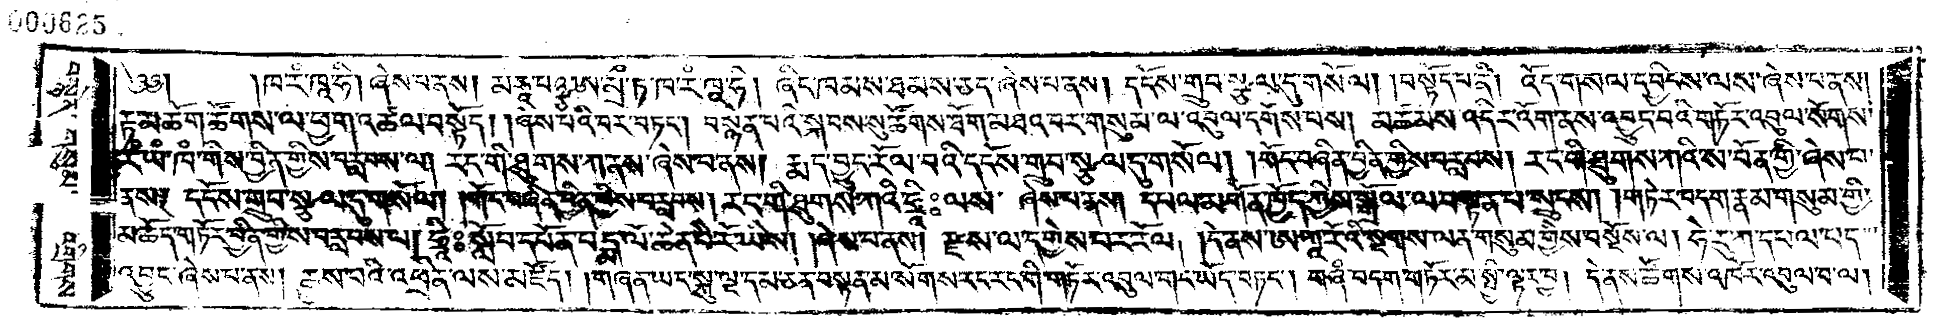༄༅། །ཁ་རཾ་ཁཱ་ཧི། ཞེས་པ་ནས། མཧཱ་པཉྩ་ཨ་མྲྀ་ཏ་ཁ་རཾ་ཁཱ་ཧི། ཞིང་ཁམས་ཐམས་ཅད་ཞེས་པ་ནས། དངོས་གྲུབ་སྩལ་དུ་གསོལ། །བསྟོད་པ་ནི། འོད་གསལ་དབྱིངས་ལས་ཞེས་པ་ནས།
རྟ་མཆོག་ཚོགས་ལ་ཕྱག་འཚལ་བསྟོད། །ཞེས་པའི་བར་བཏང་། བསྙེན་པའི་སྐབས་སུ་ཚོགས་ཐོག་མཐའ་བར་གསུམ་ལ་འབུལ་དགོས་པས། མཚམས་འདིར་འོག་ནས་འབྱུང་བའི་གཏོར་འབུལ་སོགས་
རཾ་ཡཾ་ཁཾ་གིས་བྱིན་གྱིས་བརླབས་ལ། རང་གི་ཐུགས་ཀ་ནས་ཞེས་པ་ནས། རྨད་བྱུང་རོལ་བའི་དངོས་གྲུབ་སྩལ་དུ་གསོལ། །གོང་བཞིན་བྱིན་གྱིས་བརླབས། རང་གི་ཐུགས་ཀའི་ས་བོན་གྱི་ཞེས་པ་
ནས༑ དངོས་གྲུབ་སྩལ་དུ་གསོལ། །གོང་བཞིན་བྱིན་གྱིས་བརླབས། རང་གི་ཐུགས་ཀའི་ཧྲཱིཿ ལས་ཞེས་པ་ནས།  དཔལ་མགོན་ཁྱོད་ཀྱིས་སྒྲོལ་ལ་བསྟན་པ་སྲུངས། །གཏེར་བདག་རྣམ་གསུམ་གྱི་
མཆོད་གཏོར་བྱིན་གྱིས་བརླབས་ལ། ཧྲཱིཿ སློབ་དཔོན་པདམ་ལོ་ཆེན་བཻ་རོ་ཡིས། །ཞེས་པ་ནས།  རྫས་ལ་དགྱེས་པར་རོལ། །དེ་ནས་ཨ་ཀཱ་རོའི་སྔགས་ལན་གསུམ་གྱིས་བསྔོས་ལ།  ཧེ་རུ་ཀ་དཔལ་པད་
འབྱུང་ཞེས་པ་ནས། རྒྱས་པའི་འཕྲིན་ལས་མཛོད། །གཞན་ཡང་སྐུ་ལྔ་དམ་ཅན་བསྟན་མ་སོགས་རང་རང་གི་གཏོར་འབུལ་གང་ཡོད་བཏང་། གཞི་བདག་གཏོར་མ་སྤྱི་ལྟར་བྱ། དེ་ནས་ཚོགས་འཁོར་འབུལ་བ་ལ།